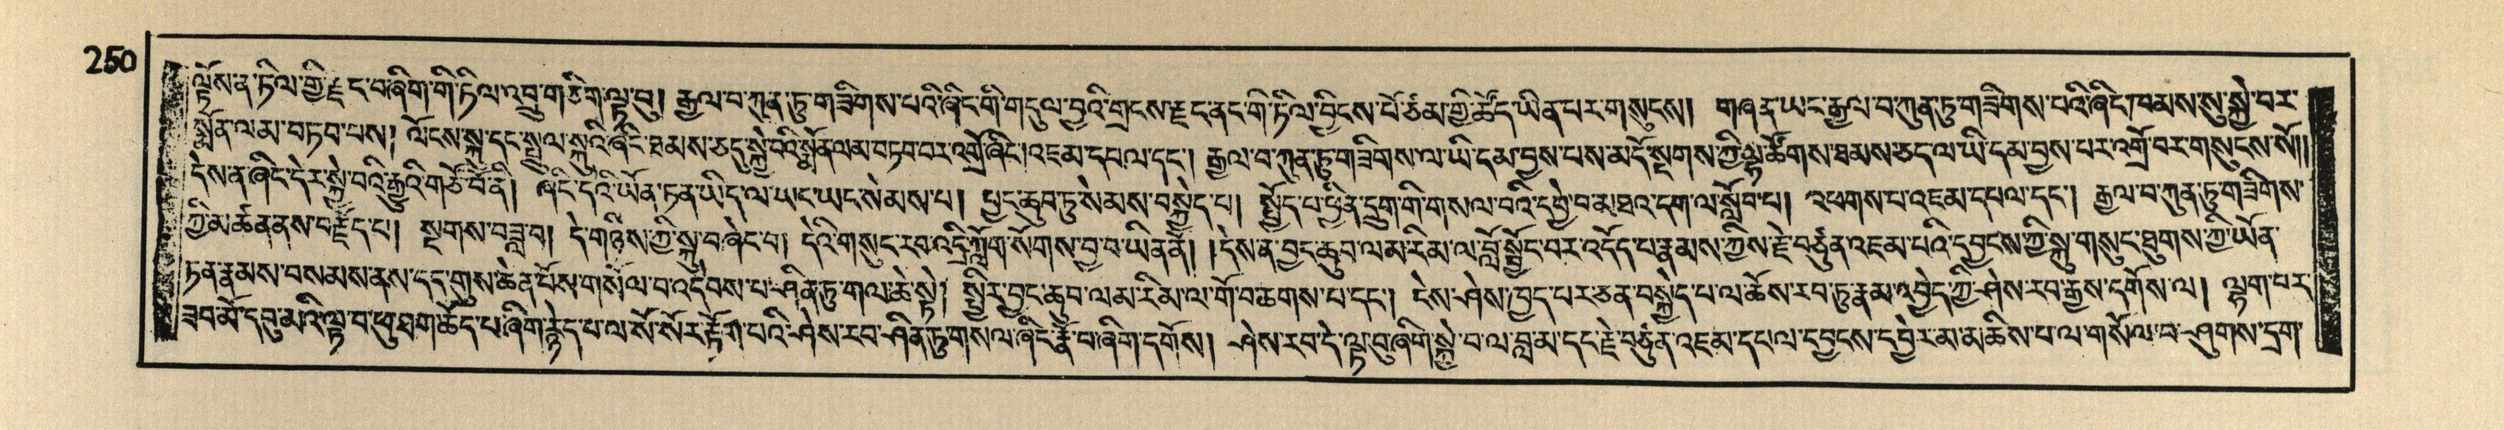ལྟོས་ན་ཏིལ་གྱི་རྫང་བ་ཞིག་གི་ཏིལ་འབྲུ་གཅིག་ལྟ་བུ། རྒྱལ་བ་ཀུན་ཏུ་གཟིགས་པའི་ཞིང་གི་གདུལ་བྱའི་གྲངས་རྗང་ནང་གི་ཏིལ་བྱིངས་པོ་ཙམ་གྱི་ཚོད་ཡིན་པར་གསུངས། གཞན་ཡང་རྒྱལ་བ་ཀུན་ཏུ་གཟིགས་པའི་ཞིང་ཁམས་སུ་སྐྱེ་བར་
སྨོན་ལམ་བཏབ་པས། ལོངས་སྐུ་དང་སྤྲུལ་སྐུའི་ཞིང་ཐམས་ཅད་དུ་སྐྱེ་བའི་སྨོན་ལམ་བཏབ་བར་འགྲོ་ཞིང་། འཇམ་དཔལ་དང་། རྒྱལ་བ་ཀུན་ཏུ་གཟིགས་ལ་ཡི་དམ་བྱས་པས་མདོ་སྔགས་ཀྱི་ལྷ་ཚོགས་ཐམས་ཅད་ལ་ཡི་དམ་བྱས་པར་འགྲོ་བར་གསུངས་སོ།།
དེས་ན་ཞིང་དེར་སྐྱེ་བའི་རྒྱུའི་གཙོ་བོ་ནི། ཞིང་དེའི་ཡོན་ཏན་ཡིད་ལ་ཡང་ཡང་སེམས་པ། །བྱང་ཆུབ་ཏུ་སེམས་བསྐྱེད་པ། སྤྱོད་པ་ཕྱིན་དྲུག་གི་གསལ་བའི་དབྱེ་བ་མཐའ་དག་ལ་སློབ་པ། འཕགས་པ་འཇམ་དཔལ་དང་། རྒྱལ་བ་ཀུན་ཏུ་གཟིགས་
ཀྱི་མཚན་ནས་བརྗོད་པ། སྔགས་བཟླ་བ། དེ་གཉིས་ཀྱི་སྐུ་བཞེང་བ། དེའི་གསུང་རབ་འདྲི་ཀློག་སོགས་བྱ་བ་ཡིན་ནོ། །དེས་ན་བྱང་ཆུབ་ལམ་རིམ་ལ་བློ་སྦྱོང་བར་འདོད་པ་རྣམས་ཀྱིས་རྗེ་བཙུན་འཇམ་པའི་དབྱངས་ཀྱི་སྐུ་གསུང་ཐུགས་ཀྱི་ཡོན་
ཏན་རྣམས་བསམས་ནས་དད་གུས་ཆེན་པོས་གསོལ་བ་འདེབས་པ་ཤིན་ཏུ་གལ་ཆེ་སྟེ། སྤྱིར་བྱང་ཆུབ་ལམ་རིམ་ལ་གོ་བ་ཆགས་པ་དང་། ངེས་ཤེས་ཁྱད་པར་ཅན་བསྐྱེད་པ་ལ་ཆོས་རབ་ཏུ་རྣམ་འབྱེད་ཀྱི་ཤེས་རབ་རྒྱས་དགོས་ལ། ལྷག་བར་
ཟབ་མོ་དབུ་མའི་ལྟ་བ་ཕུ་ཐག་ཆོད་པ་ཞིག་རྙེད་པ་ལ་སོ་སོར་རྟོག་པའི་ཤེས་རབ་ཤིན་ཏུ་གསལ་ཞིང་རྣོ་བ་ཞིག་དགོས། ཤེས་རབ་དེ་ལྟ་བུ་ཞིག་སྐྱེ་བ་ལ་བླ་མ་དང་རྗེ་བཙུན་འཇམ་དཔལ་དབྱངས་དབྱེར་མ་མཆིས་པ་ལ་གསོལ་བ་ཤུགས་དྲག་